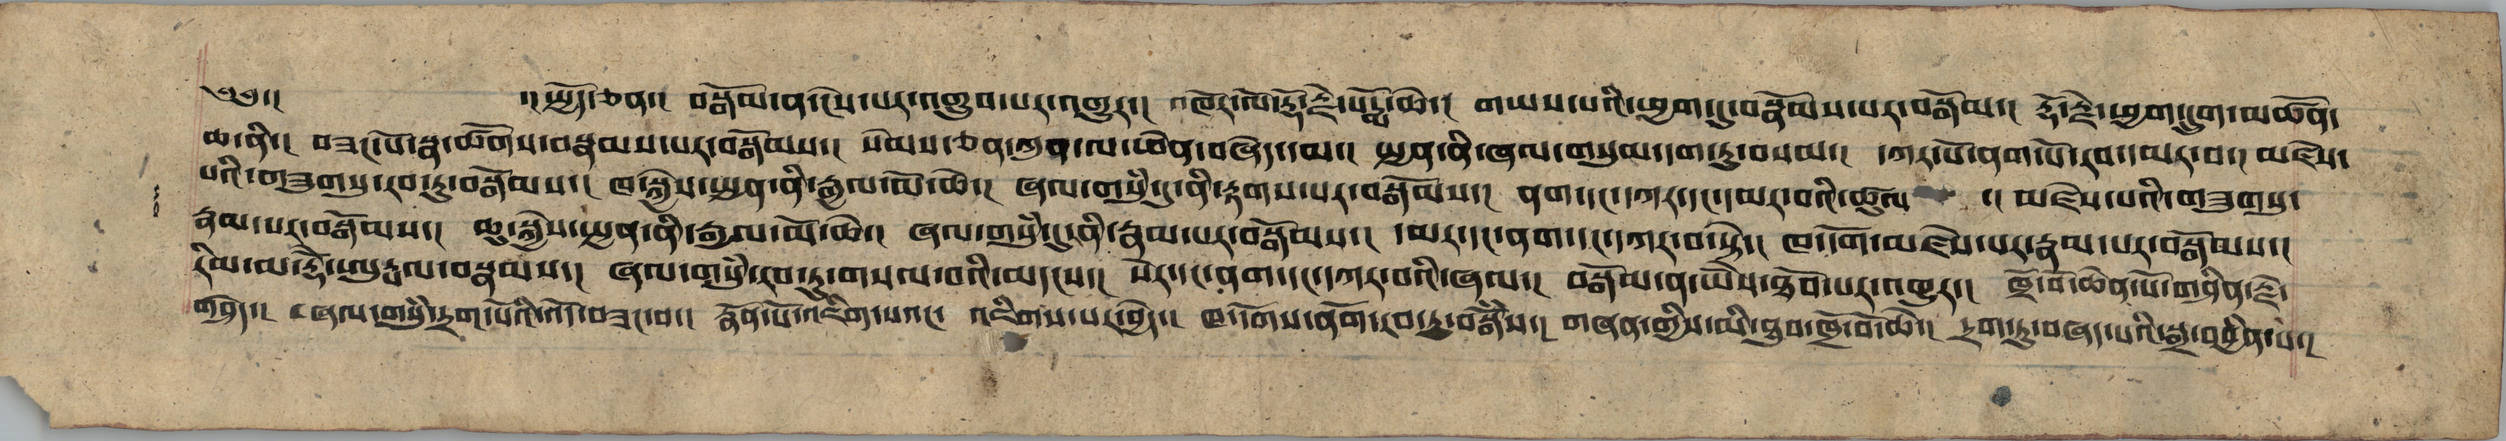༄༅་། སྤྱོད་ཅན་། བསྒོམ་ན་ངེས་པར་འགྲུབ་པར་འགྱུར་། འཁོར་ལོ་རྡོ་རྗེ་པདྨོ་ཆེ་། གཡས་པའི་ཕྱག་དུ་བསྣོམས་པར་བསྒོམ་། རྡོ་རྗེ་ཕྱག་དྲུག་མཚོན་
ཆ་ནིི་། བཟང་པོ་སྣ་ཚོགས་བསྣམས་པར་བསྒོམས་། སེམས་ཅན་ཀུན་ལ་ཕེན་བཞེད་དམ་། སྤྱན་ནི་ཞལ་གསུམ་དག་ཏུ་བསམ་། དཀར་པོ་ནག་པོ་རབ་དམར་བ་། མཛེས་
པའི་གཟུགས་སུ་རབ་ཏུ་བསྒོམས་། ཁ་སྐྱེས་སྤྱན་ནི་རྒྱལ་མོ་ཆེ་། ཞལ་གསུཾ་དུ་ནི་རྟགས་པར་བསྒོམས་། ནག་དང་དཀར་དང་དམར་བའི་ཚུལ ་། མཛེས་པའི་གཟུགསུ་
རྣམ་པར་བསྒོམས་། ཆུ་སྐྱེས་སྤྱན་ནི་རྒྱལ་མོ་ཆེ་། ཞལ་གསུཾ་དུ་ནི་རྣམ་པར་བསྒོམས་། དམར་དང་ནག་དང་དཀར་བ་སྟེ་། ཁ་དོག་མཛེས་པར་རྣམ་པར་བསྒོམས་།
རིམ་མ་རྡོེ་ཨུཏྤལ་བསྣམས་། ཞལ་གསུཾ་རབ་ཏུ་གསལ་བའི་མདངས་། སེར་དང་ནག་དང་དཀར་བའི་ཞལ་། བསྒོམ་ན་ཡཻས་ཐོབ་པར་འགྱུར་། ཁྲོ་བོ་ཆེན་པོ་གཤིན་རྗེ་
གཤེད་། ཞལ་གསུཾ་དྲག་པོའི་འོད་བཟང་བ་། རྣོན་པོ་འཇིག་པའང་ འཇིགས་པར་བྱེད་། ཁ་དོགས་ནོག་རབ་ཏུ་བསྒོཾས་། གཞན་གྱིས་མི་ཐུབ་ཁྲོ་བོ་ཆེ་། དྲག་ཏུ་བཞད་པའི་སྒྲ་འབྱིན་པ་།